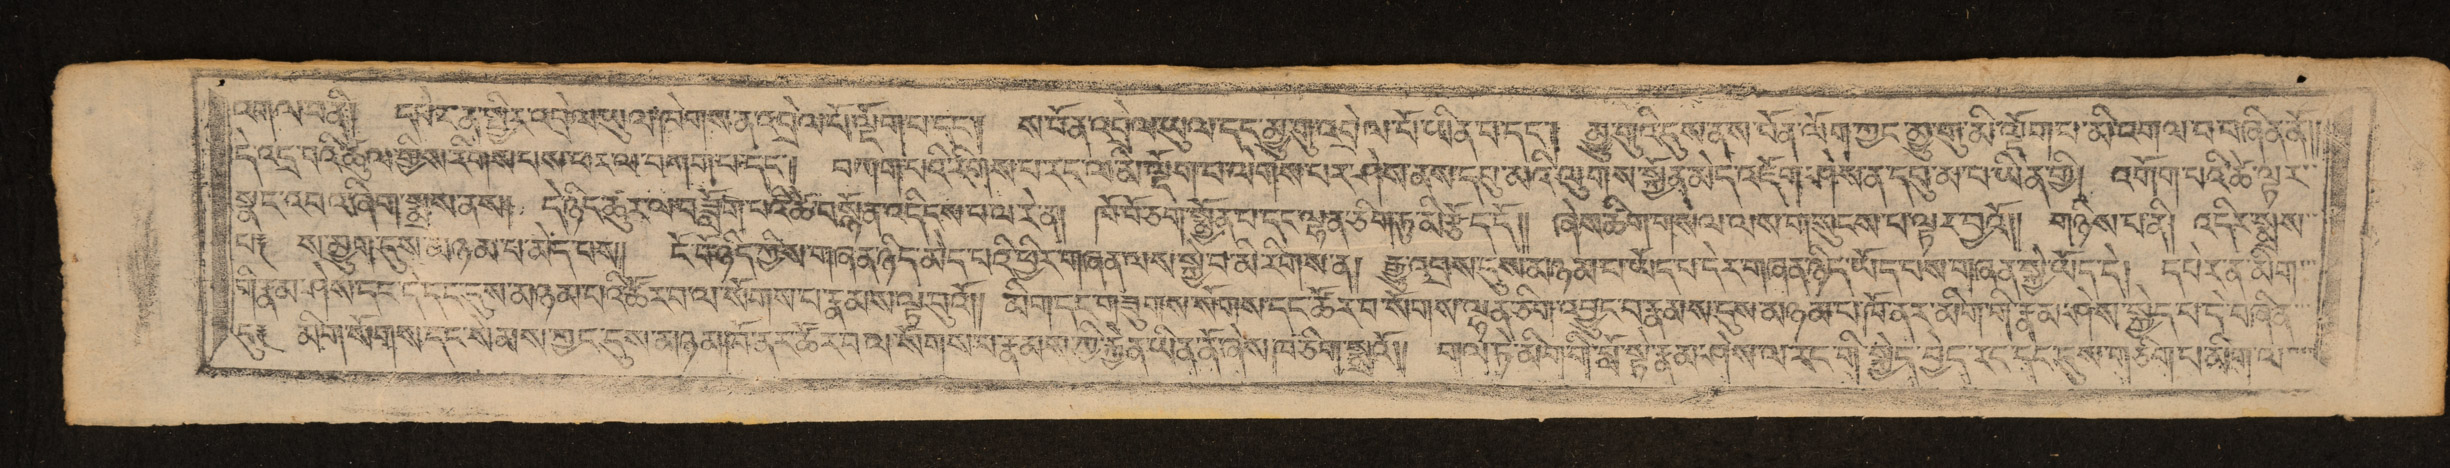འགལ་བ་ནི། དཔེར་ན་སྤྱིར་འབྲེལ་ཡུལ་ཁེགས་ན་འབྲེལ་པོ་ལྡོག་པ་དང་། ས་བོན་འབྲེལ་ཡུལ་དང་མྱུ་གུ་འབྲེལ་པོ་ཡིན་པ་དང་། མྱུ་གུའི་དུས་ན་ས་བོན་ལོག་ཀྱང་མྱུ་གུ་མི་ལྡོག་པ་མི་འགལ་བ་བཞིན་ནོ།།
དེ་འདྲ་བའི་ཚུལ་གྱིས་རིགས་པས་ཕར་ལ་བཀག་པ་དང་། བཀག་པའི་རིགས་པ་རང་ལ་མི་ལྡོག་པ་ལེགས་པར་ཤེས་ནས་དབུ་མའི་ལུགས་སྐྱོན་མེད་འཇོག་ཤེས་ན་དབུ་མ་པ་ཡིན་གྱི། འགོག་པའི་ཚེ་ལྟར་
སྣང་འབའ་ཞིག་སྨྲས་ནས། དེ་ཉིད་ཚུར་ལ་བཟློག་པའི་ཚེ་བསྙོན་འདིངས་པ་ལ་རེ་ན། ཁོ་བོ་ཅག་སྨྱོན་པ་དང་ལྷན་ཅིག་ཏུ་མི་རྩོད་དོ།། ཞེས་ཚིག་གསལ་ལས་གསུངས་པ་ལྟར་བྱའོ།། གཉིས་པ་ནི། འདིར་སྨྲས་
པ༑ ས་མྱུག་དུས་མཉམ་པ་མེད་པས། ངོ་བོ་ཉིད་ཀྱིས་གཞན་ཉིད་མེད་པའི་ཕྱིར་གཞན་ལས་སྐྱེ་བ་མི་རིགས་ན། རྒྱུ་འབྲས་དུས་མཉམ་པ་ཡོད་པ་དེར་གཞན་ཉིད་ཡོད་པས་གཞན་སྐྱེ་ཡོད་དེ། དཔེར་ན་མིག་
གི་རྣམ་ཤེས་དང་དེ་དང་དུས་མཉམ་པའི་ཚོར་བ་ལ་སོགས་པ་རྣམས་ལྟ་བུའོ།། མིག་དང་གཟུགས་སོགས་དང་ཚོར་བ་སོགས་ལྷན་ཅིག་འབྱུང་བ་རྣམས་དུས་མཉམ་པ་ཁོ་ནར་མིག་གི་རྣམ་ཤེས་སྐྱེད་པ་དེ་བཞིན་
དུ༑ མིག་སོགས་དང་སེམས་ཀྱང་དུས་མཉམ་ཁོ་ནར་ཚོར་བ་ལ་སོགས་པ་རྣམས་ཀྱི་རྐྱེན་ཡིན་ནོ་ཞེས་ཁ་ཅིག་སྨྲའོ།། གལ་ཏེ་མིག་གི་བློ་སྟེ་རྣམ་ཤེས་ལ་རང་གི་སྐྱེད་བྱེད་རང་དང་དུས་གཅིག་པ་མིག་ལ་